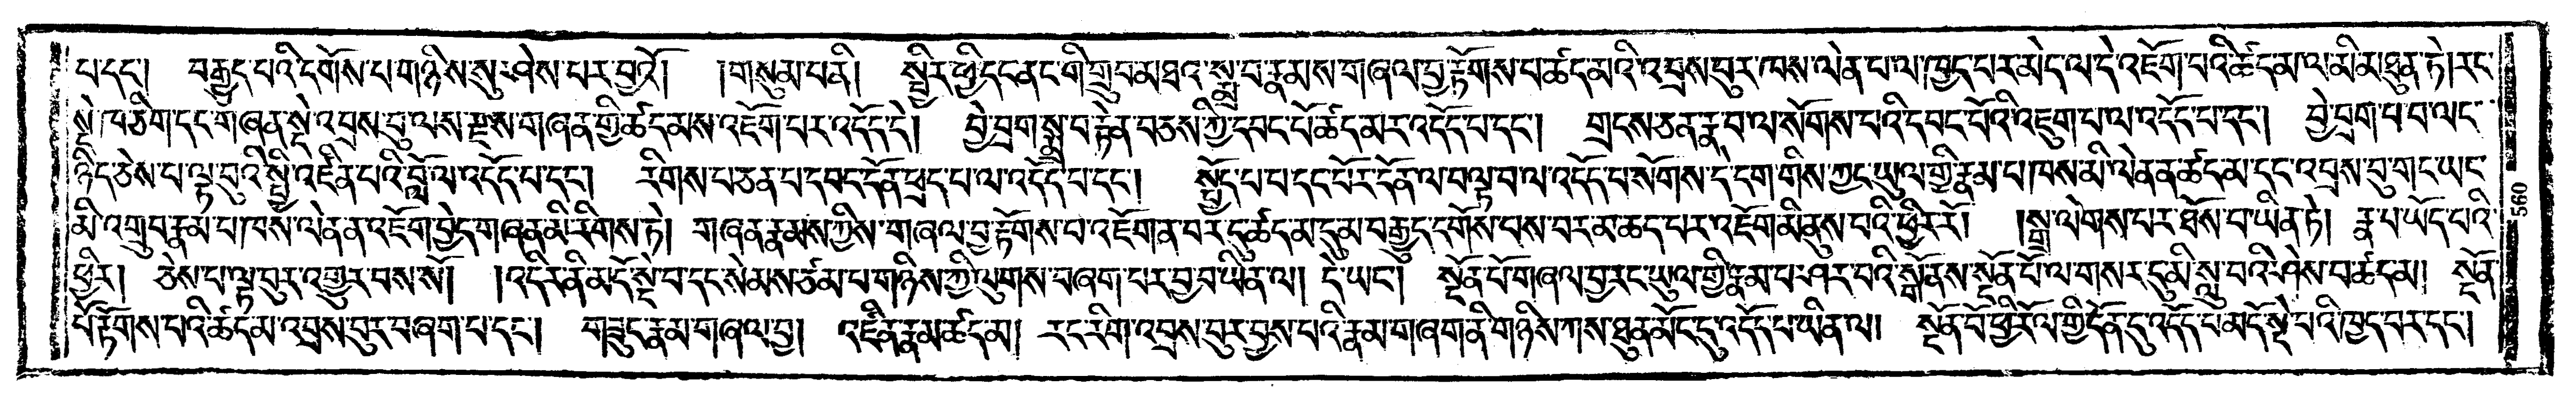པ་དང་། བརྒྱུད་པའི་དགོས་པ་གཉིས་སུ་ཤེས་པར་བྱའོ། །གསུམ་པ་ནི། སྤྱིར་ཕྱི་དང་ནང་གི་གྲུབ་མཐའ་སྨྲ་བ་རྣམས་གཞལ་བྱ་རྟོགས་པ་ཚད་མའི་འབྲས་བུར་ཁས་ལེན་པ་ལ་ཁྱད་པར་མེད་ལ་དེ་འཇོག་པའི་ཚད་མ་ལ་མི་མཐུན་ཏེ། རང་
སྡེ་ཁ་ཅིག་དང་གཞན་སྡེ་འབྲས་བུ་ལས་རྫས་གཞན་གྱི་ཚད་མས་འཇོག་པར་འདོད་དེ། བྱེ་བྲག་སྨྲ་བ་རྟེན་བཅས་ཀྱི་དབང་པོ་ཚད་མར་འདོད་པ་དང་། གྲངས་ཅན་རྣ་བ་ལ་སོགས་པའི་དབང་པོའི་འཇུག་པ་ལ་འདོད་པ་དང་། བྱེ་བྲག་པ་བ་ལང་
ཉིད་ཅེས་པ་ལྟ་བུའི་སྤྱི་འཛིན་པའི་བློ་ལ་འདོད་པ་དང་། རིགས་པ་ཅན་པ་དབང་དོན་ཕྲད་པ་ལ་འདོད་པ་དང་། སྤྱོད་པ་པ་དང་པོར་དོན་ལ་བལྟ་བ་ལ་འདོད་པ་སོགས་དེ་དག་གིས་ཀྱང་ཡུལ་གྱི་རྣམ་པ་ཁས་མི་ལེན་ན་ཚད་མ་དང་འབྲས་བུ་གང་ཡང་
མི་འགྲུབ་རྣམ་པ་ཁས་ལེན་ན་འཇོག་བྱེད་གཞན་མི་རིགས་ཏེ། གཞན་རྣམས་ཀྱིས་གཞལ་བྱ་རྟོགས་པ་འཇོག་ན་བར་དུ་ཚད་མ་དུ་མ་བརྒྱུད་དགོས་པས་བར་མ་ཆད་པར་འཇོག་མི་ནུས་པའི་ཕྱིར་རོ། །སྒྲ་ལེགས་པར་ཐོས་པ་ཡིན་ཏེ། རྣ་པ་ཡོད་པའི་
ཕྱིར། ཅེས་པ་ལྟ་བུར་འགྱུར་བས་སོ། །འདིར་ནི་མདོ་སྡེ་པ་དང་སེམས་ཙམ་པ་གཉིས་ཀྱི་ལུགས་བཞག་པར་བྱ་བ་ཡིན་ལ། དེ་ཡང་། སྔོན་པོ་གཞལ་བྱ་རང་ཡུལ་གྱི་རྣམ་པ་ཤར་བའི་སྒོ་ནས་སྔོན་པོ་ལ་གསར་དུ་མི་སླུ་བའི་ཤེས་པ་ཚད་མ། སྔོན་
པོ་རྟོགས་པའི་ཚད་མ་འབྲས་བུར་བཞག་པ་དང་། གཟུང་རྣམ་གཞལ་བྱ། འཛིན་རྣམ་ཚད་མ། རང་རིག་འབྲས་བུར་བྱས་པའི་རྣམ་གཞག་ནི་གཉིས་ཀས་ཐུན་མོང་དུ་འདོད་པ་ཡིན་ལ། སྔོན་པོ་ཕྱི་རོལ་གྱི་དོན་དུ་འདོད་པ་མདོ་སྡེ་པའི་ཁྱད་པར་དང་།